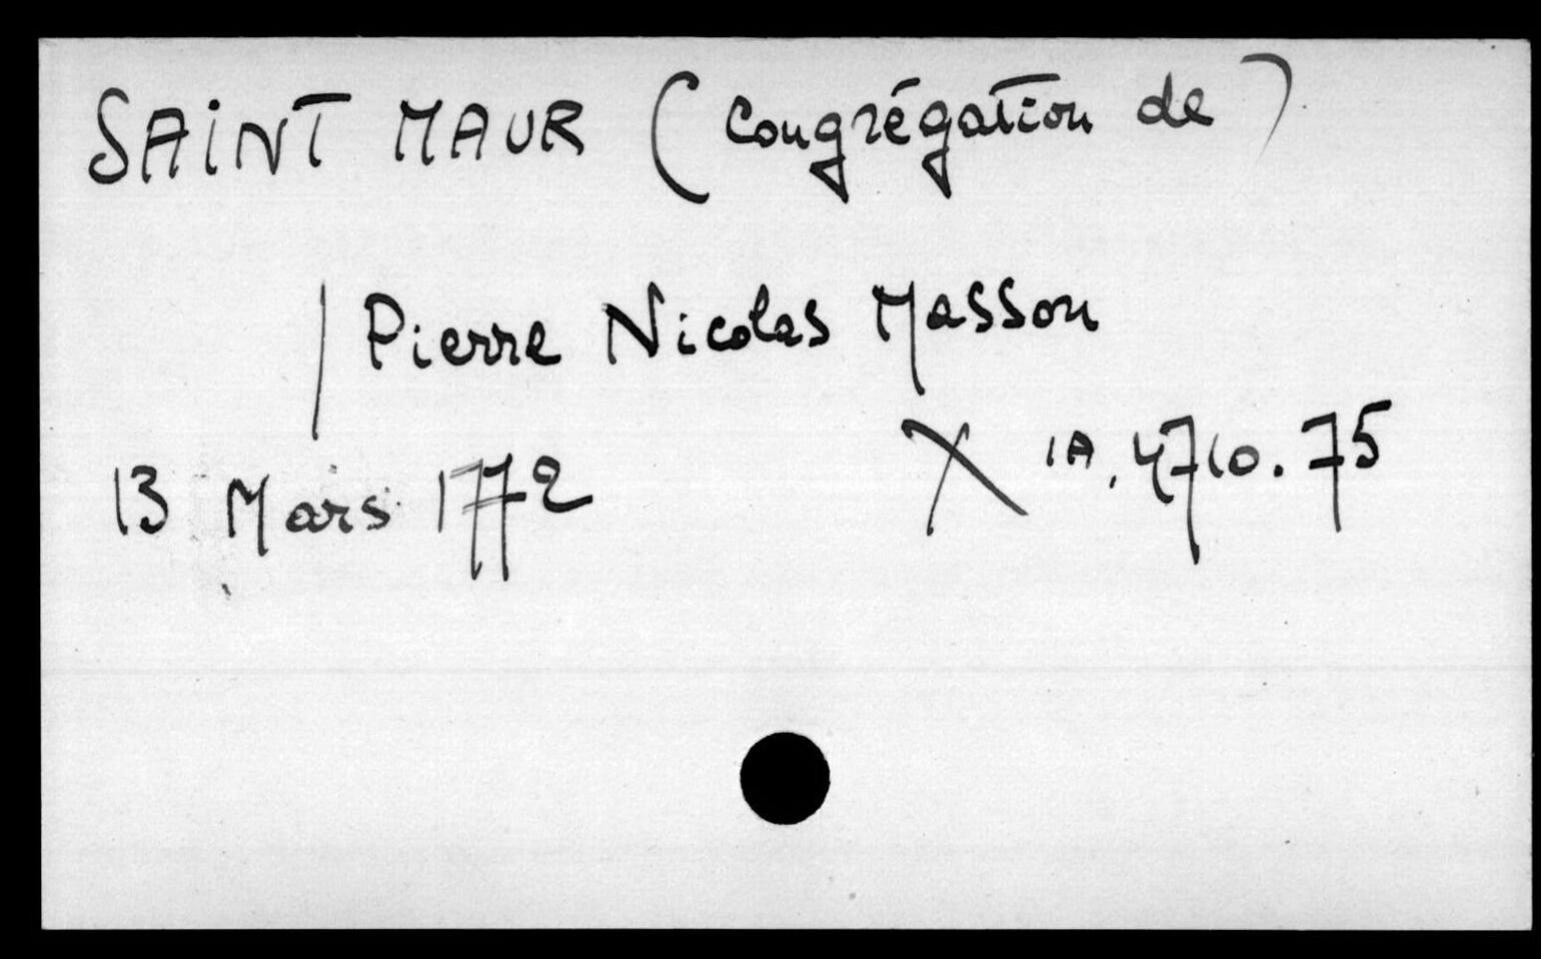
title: SAINT MAUR (congrégation de )
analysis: Contre Pierre Nicolas Masson
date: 13 mars 1772
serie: X1A
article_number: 4710
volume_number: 75
